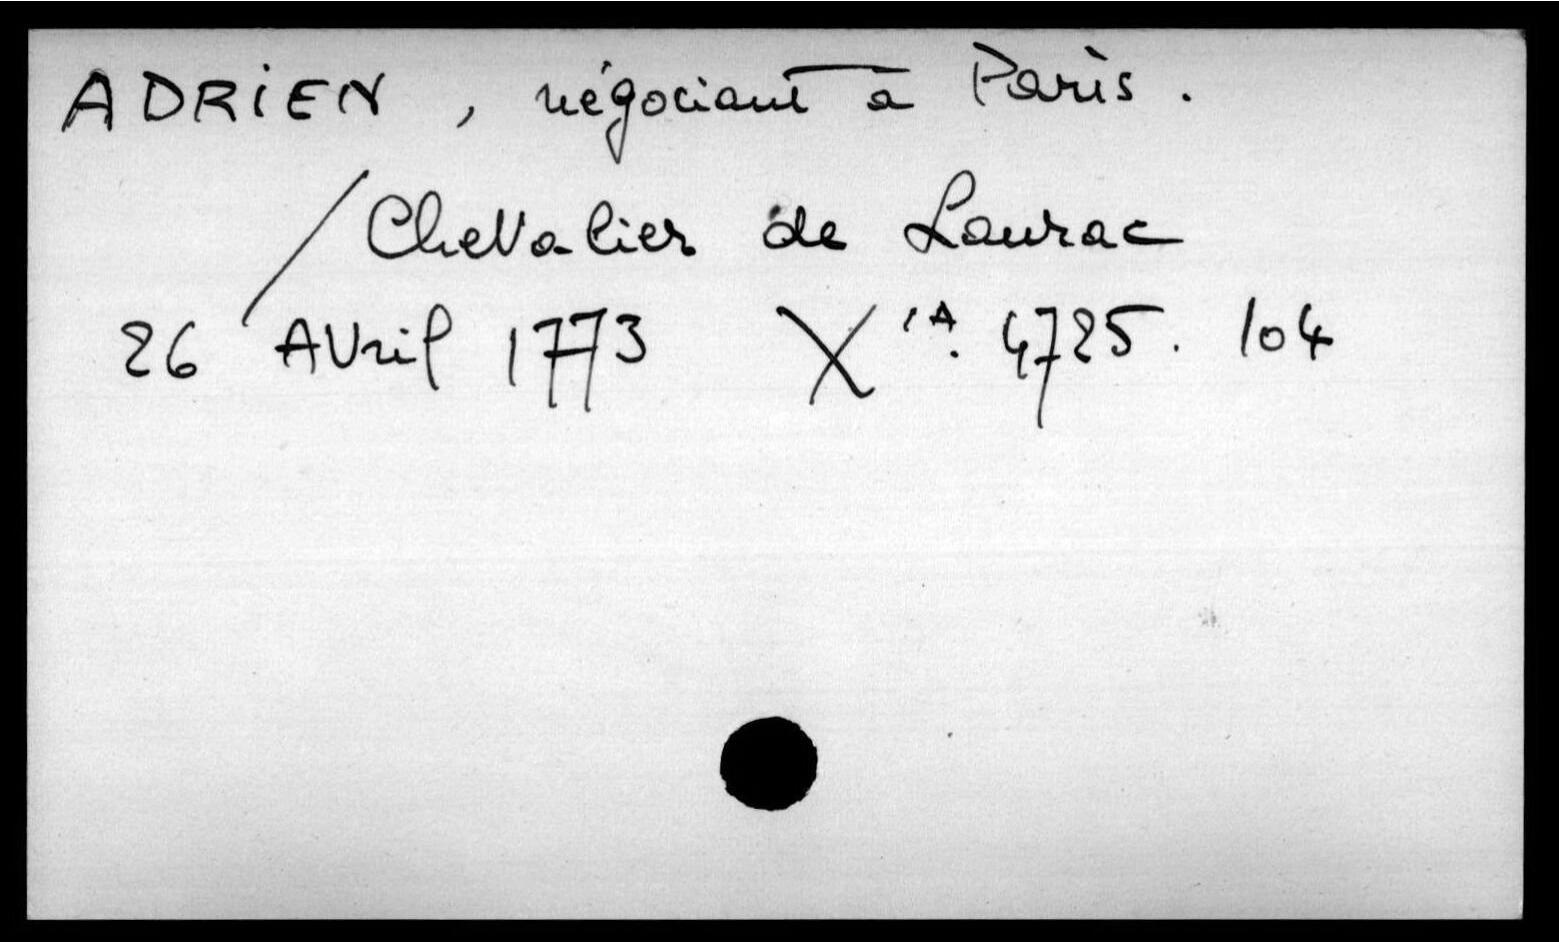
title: ADRIEN, négociant à Paris.
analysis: Contre Chevalier de Laurac
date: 26 avril 1773
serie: X1A
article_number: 4725
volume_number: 104
